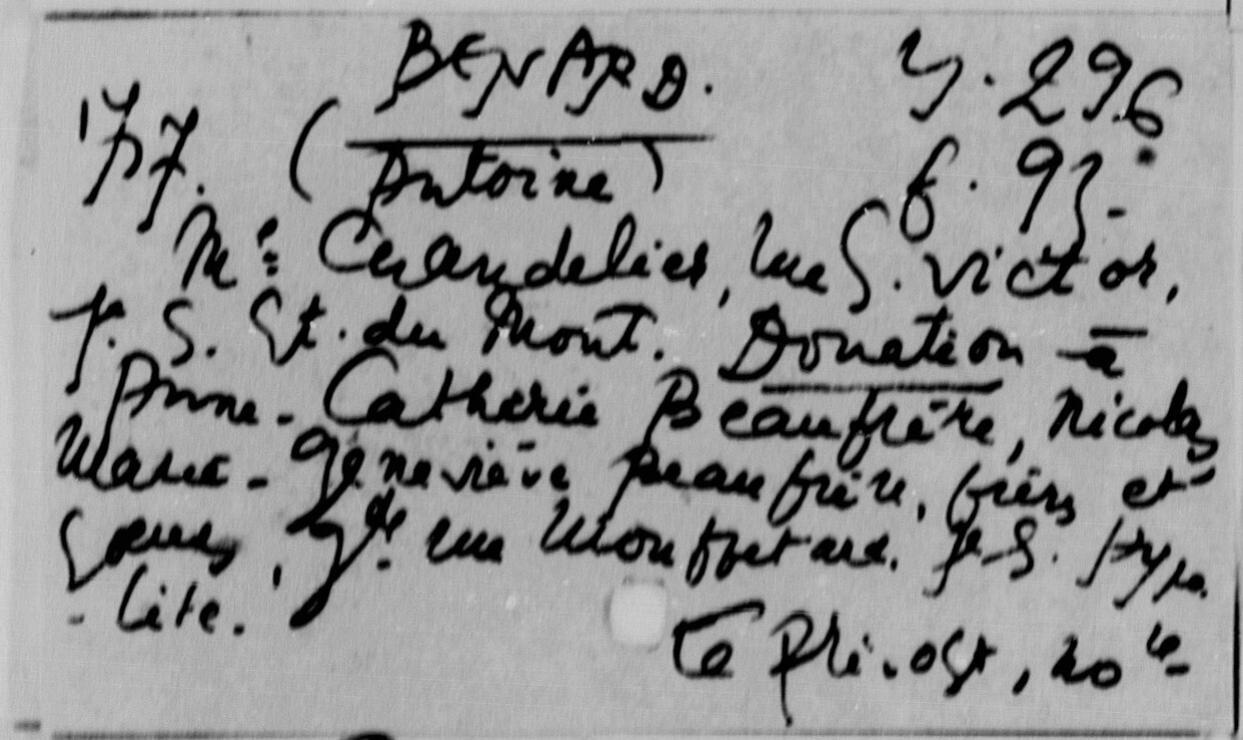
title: BENARD (Antoine)
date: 1707
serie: Y
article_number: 296
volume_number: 93
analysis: Maître chandelier, rue Saint-Victor, paroisse Saint-Étienne du Mont. Donation à Anne-Catherie Beaufrère, Nicolas Marie-Geneviève Beaufrère, frères et sœurs, grande rue Mouffetard, paroisse Saint-Hypolite. Le Prévost, notaire.
